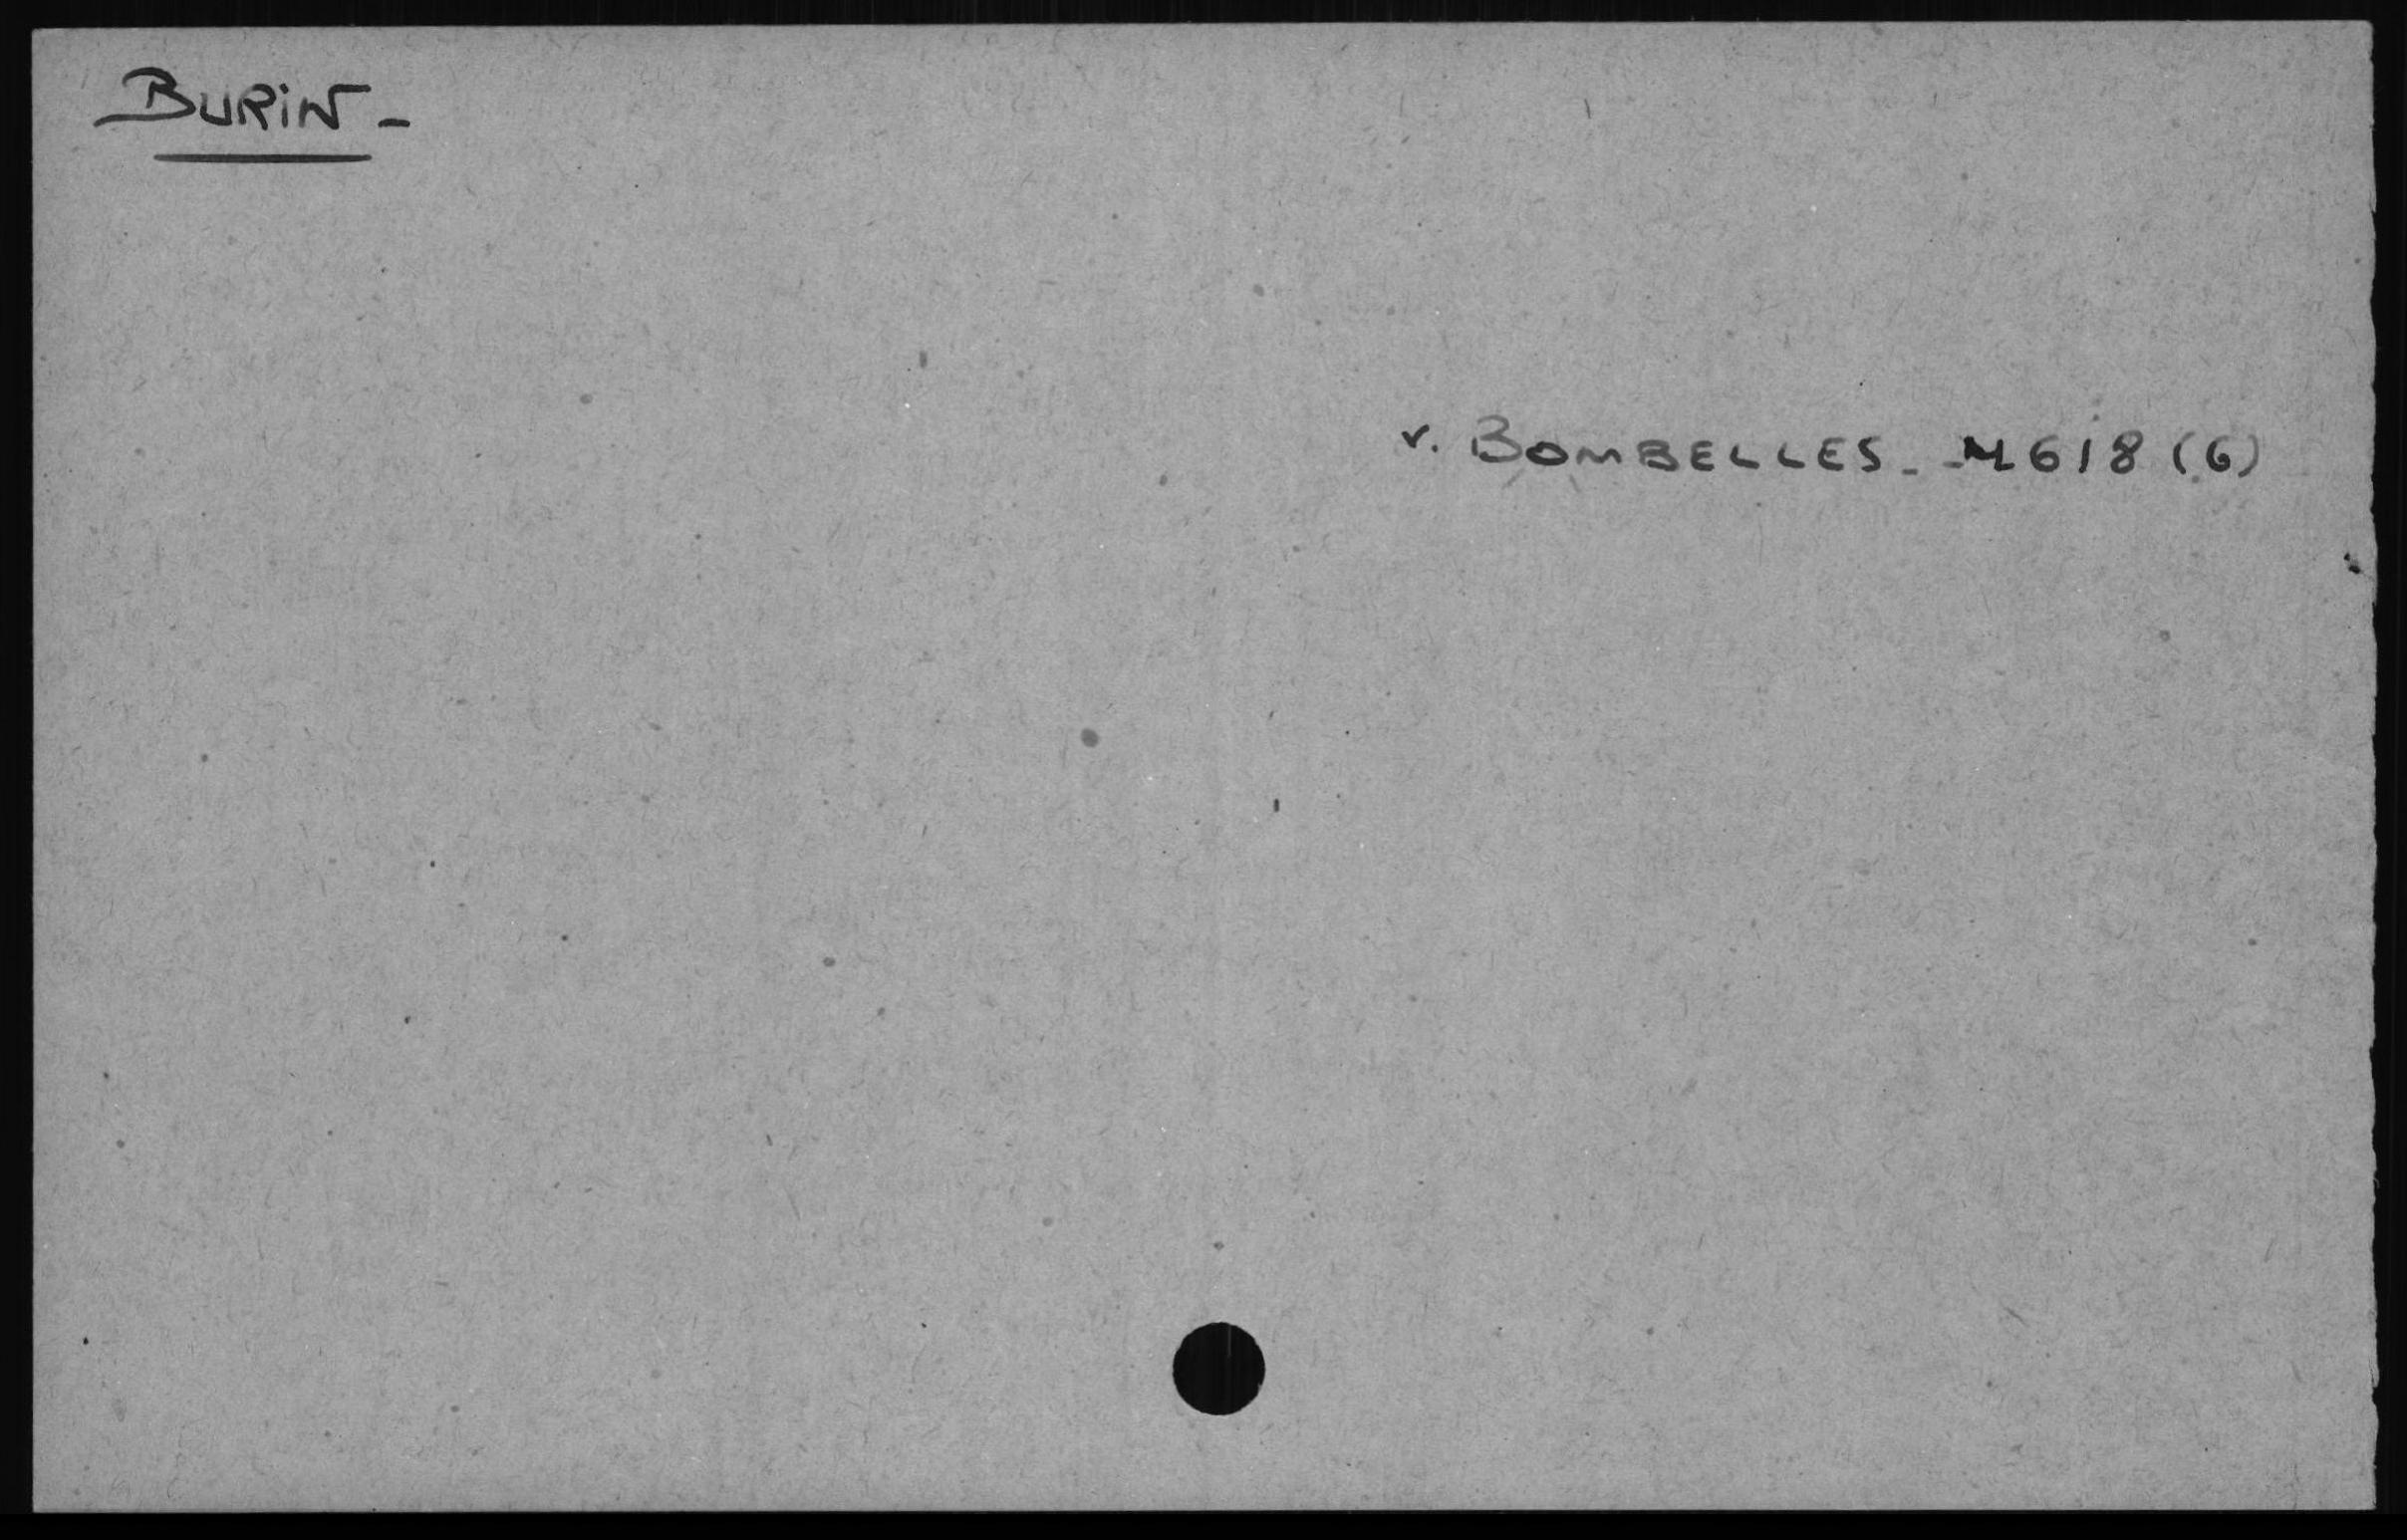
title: BURIN.
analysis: voir : BOMBELLES.
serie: M
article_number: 618
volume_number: (6)
